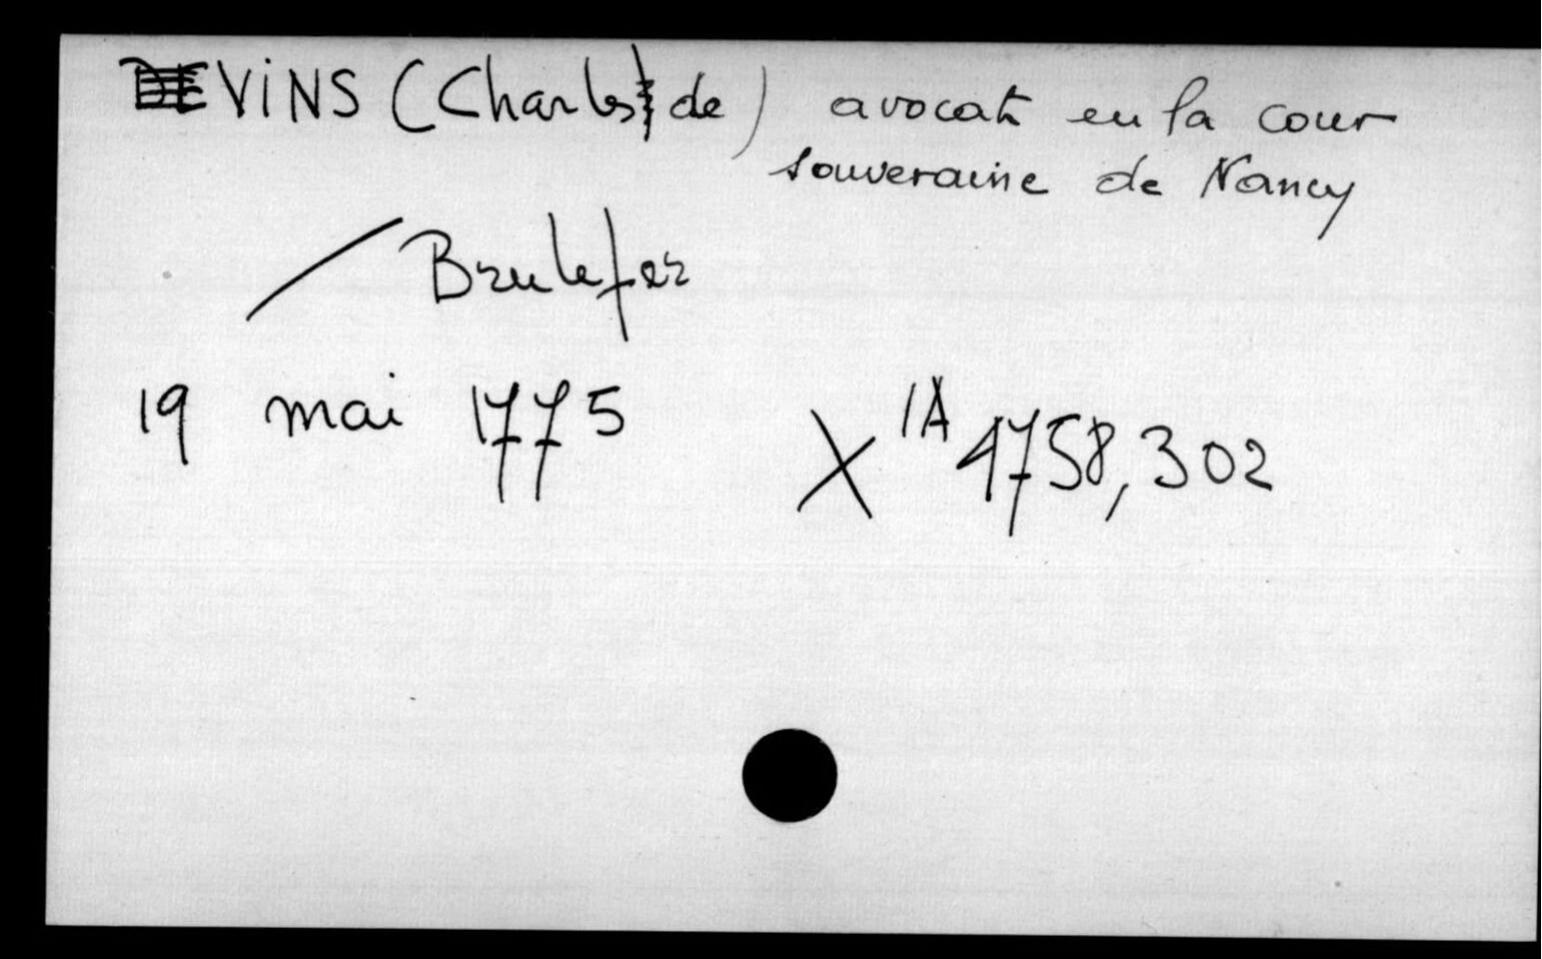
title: VINS (Charles de) avocat en la cour souveraine de Nancy
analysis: Contre Brulefer
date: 19 mai 1775
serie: X1A
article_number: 4758
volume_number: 302
